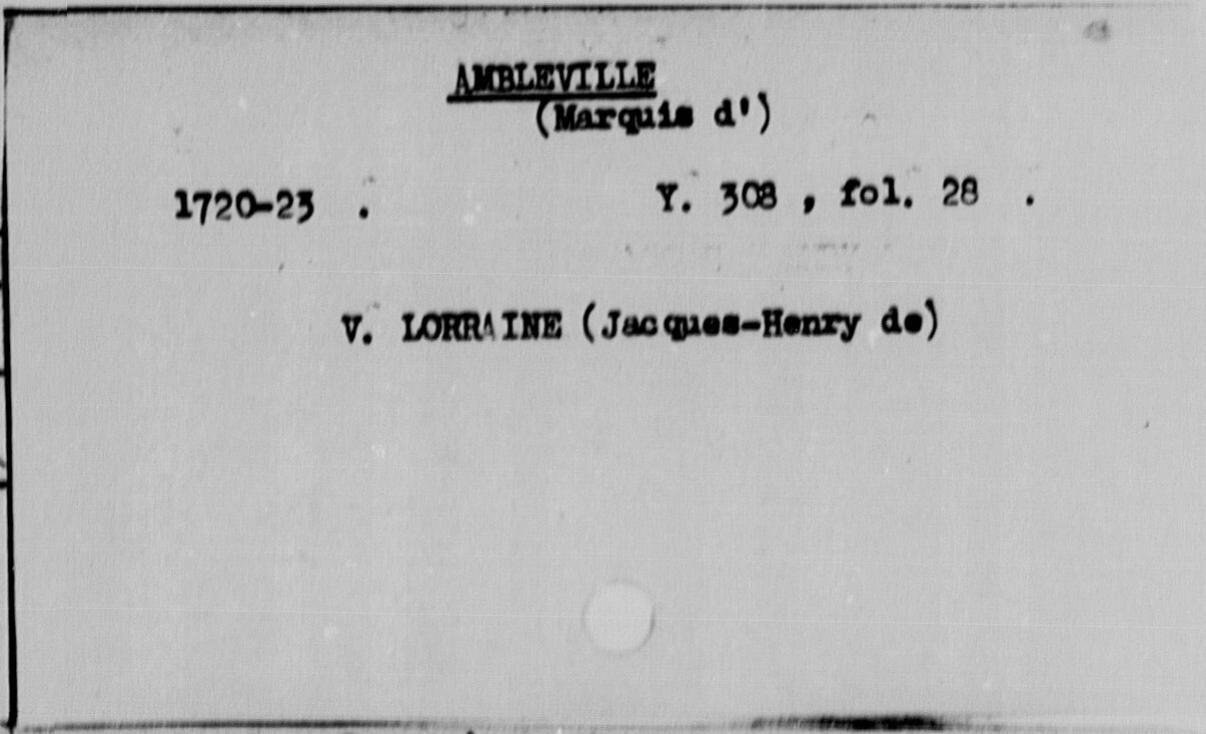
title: AMBLEVILLE (Marquis d')
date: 1720-1723
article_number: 308
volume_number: folio 28
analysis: Voir LORRAINE (Jacques-Henry de)
